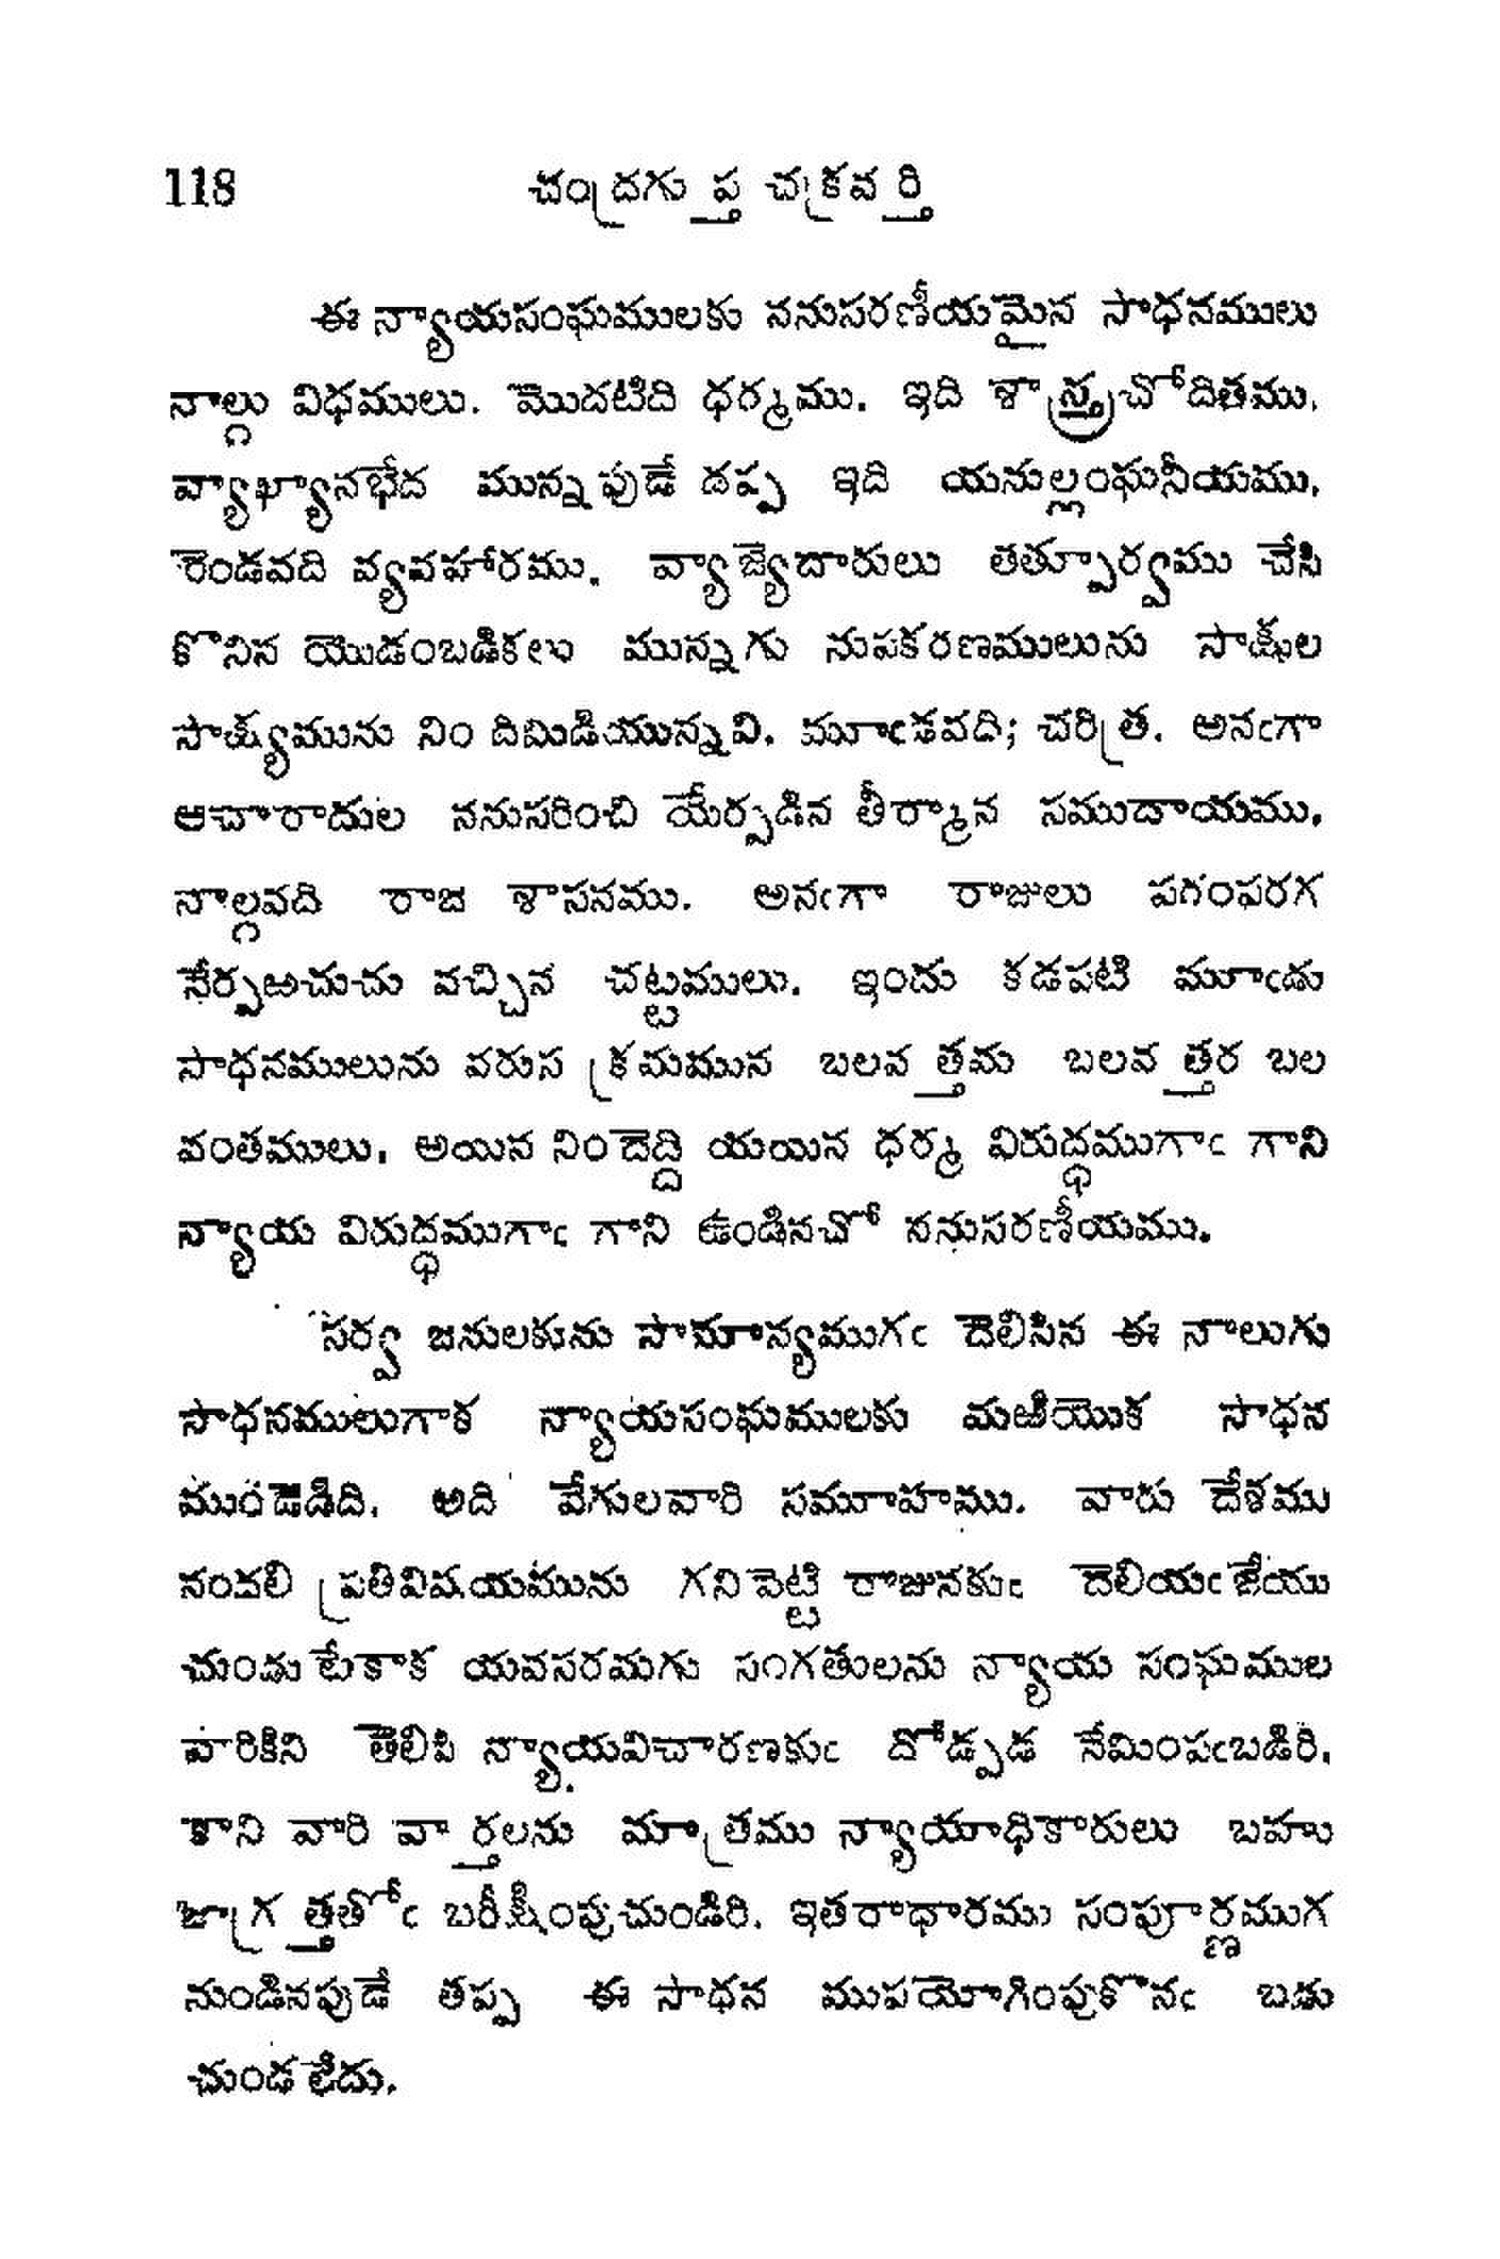ఈ న్యాయసంఘములకు ననుసరణీయమైన సాధనములు నాల్గు విధములు. మొదటిది ధర్మము. ఇది శాస్త్రచోదితము. వ్యాఖ్యానభేద మున్నపుడే దప్ప ఇది యనుల్లంఘనీయము. రెండవది వ్యవహారము. వ్యాజ్యెదారులు తత్పూర్వము చేసికొనిన యొడంబడికలు మున్నగు నుపకరణములును సాక్షుల సాక్ష్యమును నిం దిమిడియున్నవి. మూఁడవది; చరిత్ర. అనగా ఆచారాదుల ననుసరించి యేర్పడిన తీర్మాన సముదాయము. నాల్గవది రాజ శాసనము. అనఁగా రాజులు పరంపరగ నేర్పఱచుచు వచ్చిన చట్టములు. ఇందు కడపటి మూఁడు సాధనములును వరుస క్రమమున బలవత్తమ బలవత్తర బలవంతములు. అయిన నిందెద్ది యయిన ధర్మ విరుద్ధముగాఁ గాని న్యాయ విరుద్ధముగాఁ గాని ఉండినచో ననుసరణీయము.

సర్వ జనులకును సామాన్యముగఁ దెలిసిన ఈ నాలుగు సాధనములుగాక న్యాయసంమములకు మఱియొక సాధన ముండెడిది. అది వేగులవారి సమూహము. వారు దేశమునందలి ప్రతివిషయమును గనిపెట్టి రాజునకుఁ దెలియఁజేయు చుండుటేకాక యవసరమగు సంగతులను న్యాయ సంఘముల వారికిని తెలిపి న్యాయవిచారణకుఁ దోడ్పడ నేమింపఁబడిరి. కాని వారి వార్తలను మాత్రము న్యాయాధికారులు బహు జూగ్రత్తతోఁ బరీక్షింపుచుండిరి. ఇతరాధారము సంపూర్ణముగ నుండినపుడే తప్ప ఈ సాధన ముపయోగింపుకొనఁ బడు చుండలేదు,